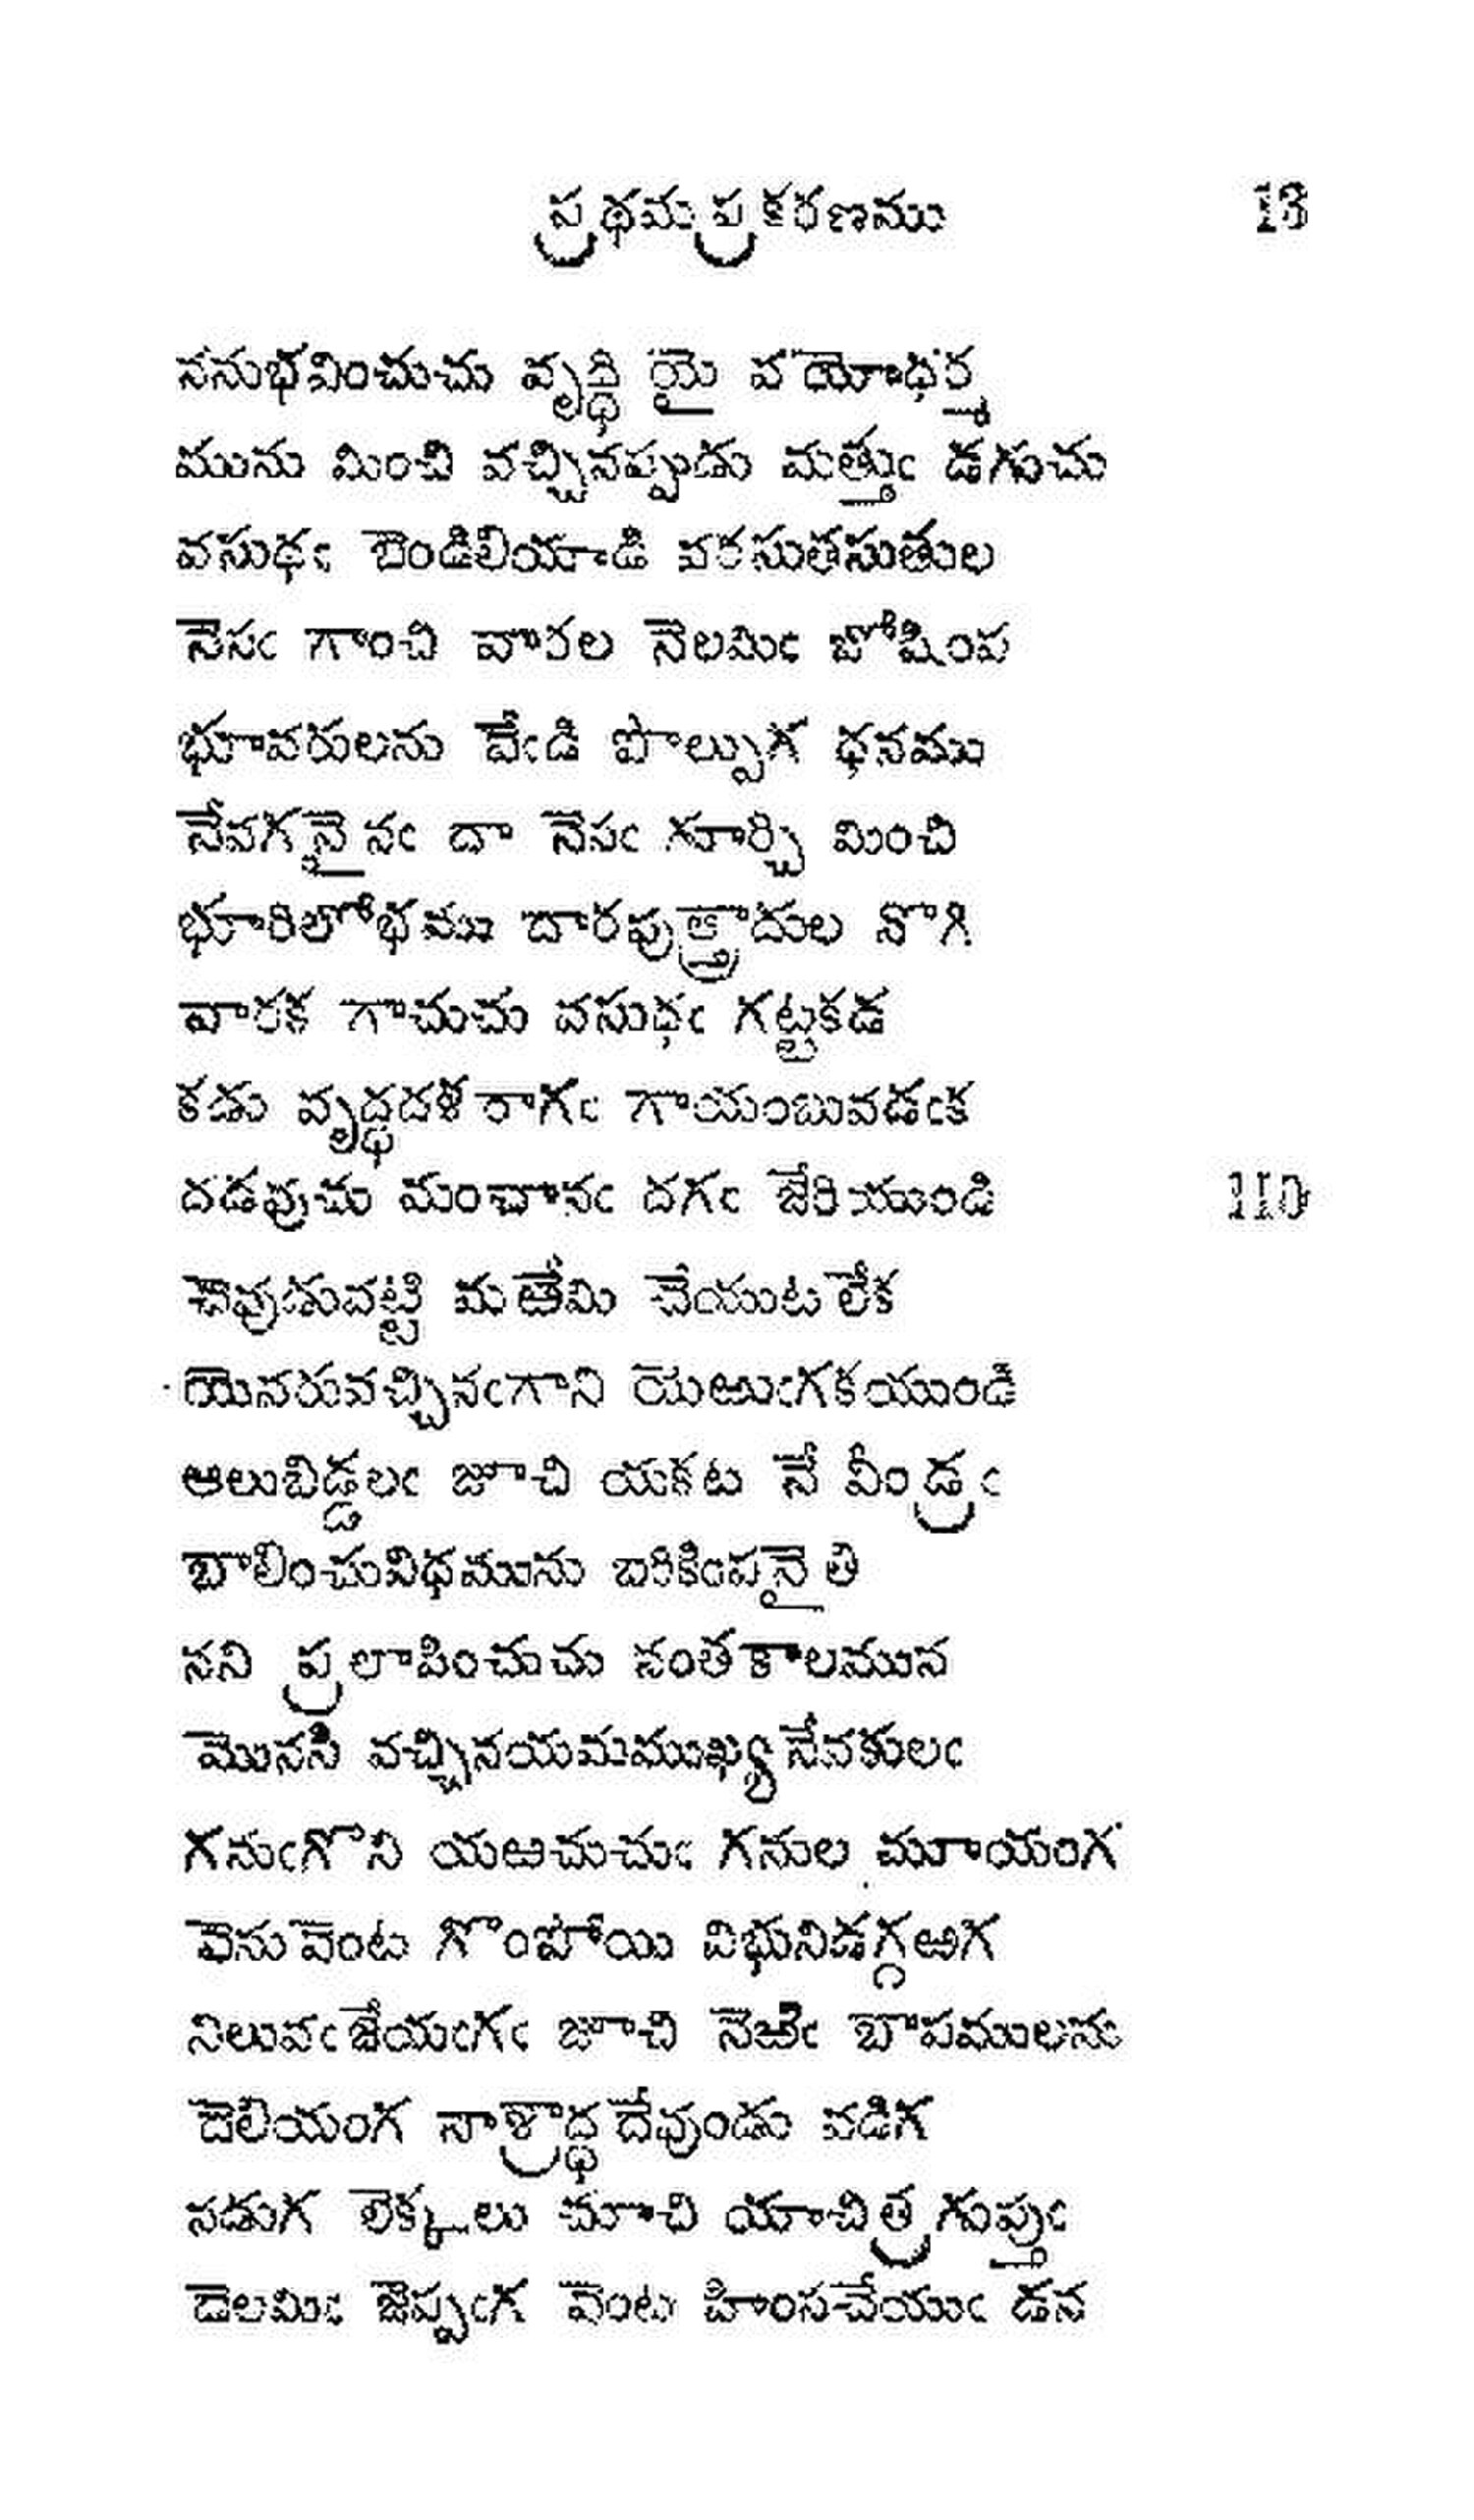ననుభవించుచు వృద్ధి యై వయోధర్మ
మును మించి వచ్చినప్పుడు మత్తుఁ డగుచు
వసుధఁ బెండిలియాడి వరసుతసుతుల
నెసఁ గాంచి వారల నెలమిఁ బోషింప
భూవరులను వేఁడి పొల్పుగ ధనము
నేవగనైనఁ దా నెసఁ గూర్చి మించి
భూరిలోభము దారపుత్త్రాదుల నొగి
వారక గాచుచు వసుధఁ గట్టకడ
కడు వృద్ధదశ రాగఁ గాయంబువడఁక
దడవుచు మంచాన దగఁ జేరి యుండి
చెవుడు వట్టి మఱేమి చేయుటలేక
యెవరు వచ్చినఁగాని యెఱుఁగకయుండి
ఆలుబిడ్డలఁ జూచి యకట నే వీండ్రఁ
బాలించువిధమును బరికింపనైతి
నని ప్రలాపించుచు నంతకాలమున
మొనసి వచ్చినయమముఖ్యసేవకులఁ
గనుఁగొని యఱచుచుఁ గనుల మూయంగ
వెనువెంట గొంపోయి విభునిడగ్గఱగ
నిలువఁజేయఁగఁ జూచి నెఱిఁ బాపములను
దెలియంగ నాశ్రాద్ధదేవుండు వడిగ
నడుగ లెక్కలు చూచి యాచిత్రగుప్తుఁ
డెలమిఁ జెప్పఁగ వెంట హింసచేయుఁ డన